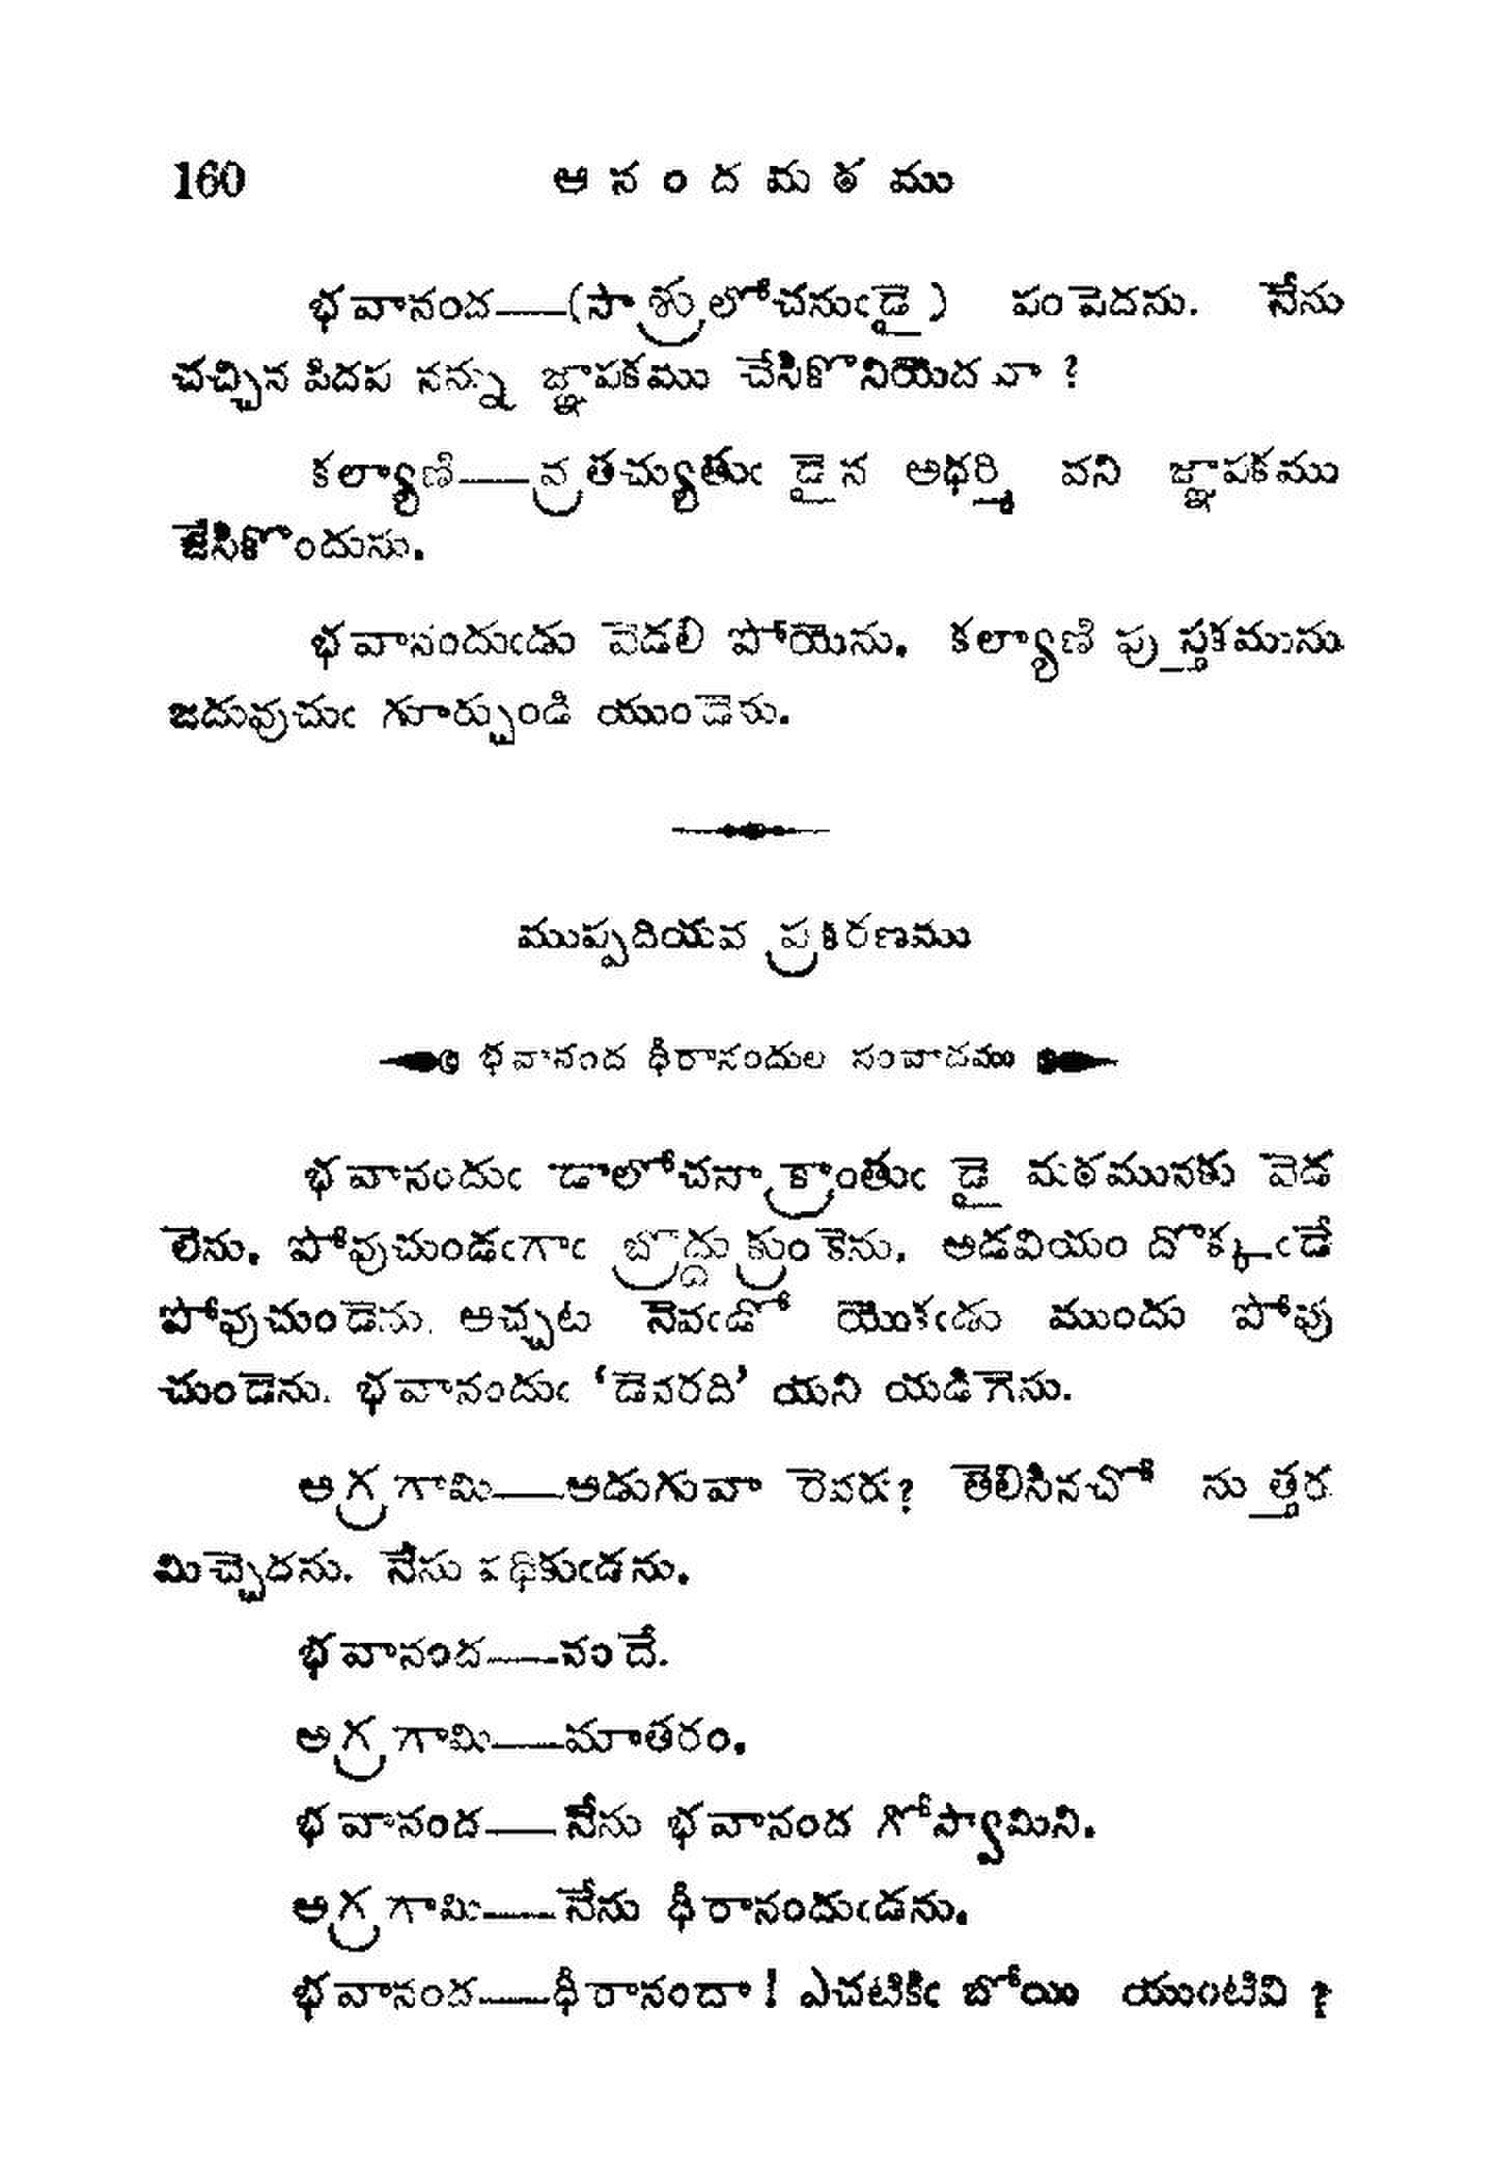భవానంద—— (సాశ్రులోచనుఁడై) పంపెదను. నేను చచ్చిన పిదప నన్ను జ్ఞాపకము చేసికొనియెదవా ?

కల్యాణి——వ్రతచ్యుతుఁ డైన అధర్మి వని జ్ఞాపకము జేసికొందును.

భవానందుఁడు వెడలి పోయెను. కల్యాణి పుస్తకమును జదువుచుఁ గూర్చుండి యుండెను.

ముప్పదియవ ప్రకరణము

భవానంద ధీరానందుల సంవాదము

భవానందుఁ డాలోచనా క్రాంతుఁ డై మఠమునకు వెడలెను. పోవుచుండఁగాఁ బొద్దు క్రుంకెను, అడవియం దొక్కఁడే
పోవుచుండెను. అచ్చట నెవఁడో యొకఁడు ముందు పోవు చుండెను. భవానందుఁ 'డెవరది' యని యడిగెను.

అగ్రగామి——అడుగువా రేవరు? తెలిసినచో నుత్తర మిచ్చెదను. నేను నధికుఁడను.

భవానంద—— వందే.

అగ్రగామి——మాతరం.

భవానంద—— నేను భవానంద గోస్వామిని.

అగ్రగామి——నేను ధీరానందుఁడను.

భవానంద——ధీ రానందా ! ఎచటికిఁ బోయి యుంటివి ?